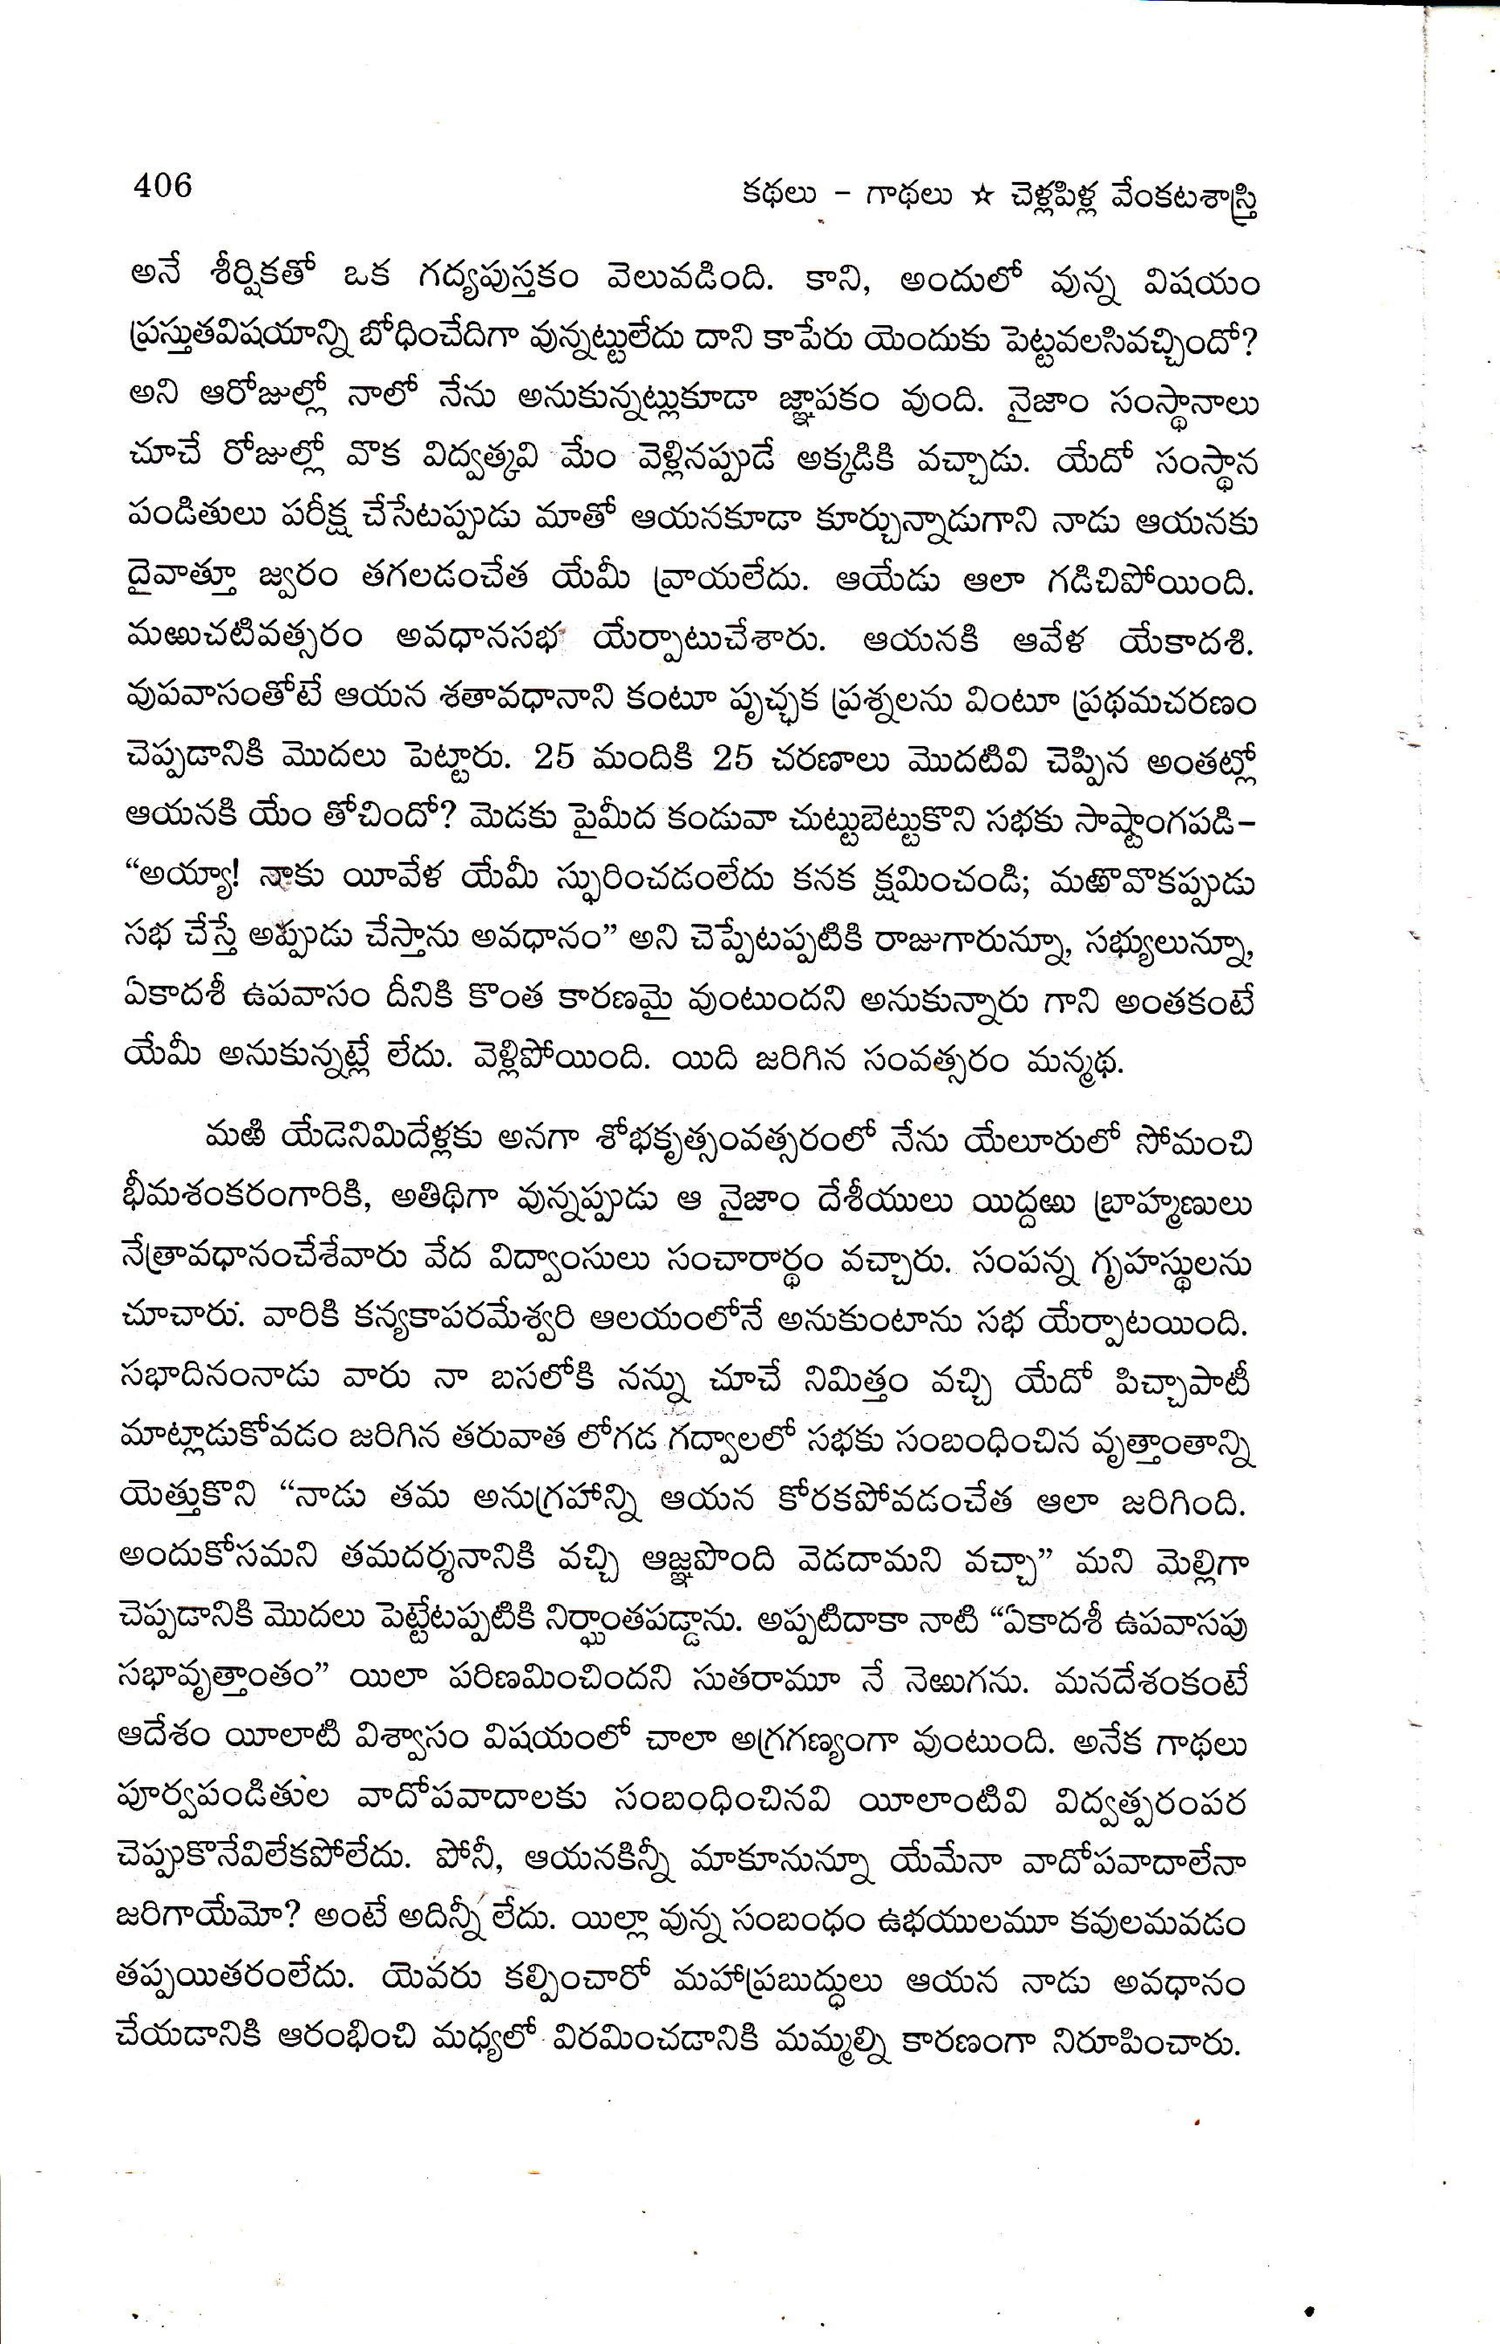అనే శీర్షికతో ఒక గద్యపుస్తకం వెలువడింది. కాని, అందులో వున్న విషయం ప్రస్తుతవిషయాన్ని బోధించేదిగా వున్నట్టులేదు దాని కాపేరు యెందుకు పెట్టవలసివచ్చిందో? అని ఆరోజుల్లో నాలో నేను అనుకున్నట్లుకూడా జ్ఞాపకం వుంది. నైజాం సంస్థానాలు చూచే రోజుల్లో వొక విద్వత్కవి మేం వెళ్లినప్పుడే అక్కడికి వచ్చాడు. యేదో సంస్థాన పండితులు పరీక్ష చేసేటప్పుడు మాతో ఆయనకూడా కూర్చున్నాడుగాని నాడు ఆయనకు దైవాత్తూ జ్వరం తగలడంచేత యేమీ వ్రాయలేదు. ఆయేడు ఆలా గడిచిపోయింది. మఱుచటివత్సరం అవధానసభ యేర్పాటుచేశారు. ఆయనకి ఆవేళ యేకాదశి. వుపవాసంతోటే ఆయన శతావధానాని కంటూ పృచ్ఛక ప్రశ్నలను వింటూ ప్రథమచరణం చెప్పడానికి మొదలు పెట్టారు. 25 మందికి 25 చరణాలు మొదటివి చెప్పిన అంతట్లో ఆయనకి యేం తోచిందో? మెడకు పైమీద కండువా చుట్టుబెట్టుకొని సభకు సాష్టాంగపడి “అయ్యా! నాకు యీ వేళ యేమీ స్ఫురించడంలేదు కనక క్షమించండి; మఱొవొకప్పుడు సభ చేస్తే అప్పుడు చేస్తాను అవధానం" అని చెప్పేటప్పటికి రాజుగారున్నూ సభ్యులున్నూ, ఏకాదశీ ఉపవాసం దీనికి కొంత కారణమై వుంటుందని అనుకున్నారు గాని అంతకంటే యేమీ అనుకున్నట్లే లేదు. వెళ్లిపోయింది. యిది జరిగిన సంవత్సరం మన్మథ.

మఱి యేడెనిమిదేళ్లకు అనగా శోభకృత్సంవత్సరంలో నేను యేలూరులో సోమంచి భీమశంకరంగారికి, అతిథిగా వున్నప్పుడు ఆ నైజాం దేశీయులు యిద్దఱు బ్రాహ్మణులు నేత్రావధానంచేశేవారు వేద విద్వాంసులు సంచారార్థం వచ్చారు. సంపన్న గృహస్థులను చూచారు. వారికి కన్యకాపరమేశ్వరి ఆలయంలోనే అనుకుంటాను సభ యేర్పాటయింది. సభాదినంనాడు వారు నా బసలోకి నన్ను చూచే నిమిత్తం వచ్చి యేదో పిచ్చాపాటీ మాట్లాడుకోవడం జరిగిన తరువాత లోగడ గద్వాలలో సభకు సంబంధించిన వృత్తాంతాన్ని యెత్తుకొని "నాడు తమ అనుగ్రహాన్ని ఆయన కోరకపోవడంచేత ఆలా జరిగింది. అందుకోసమని తమదర్శనానికి వచ్చి ఆజ్ఞపొంది వెడదామని వచ్చా" మని మెల్లిగా చెప్పడానికి మొదలు పెట్టేటప్పటికి నిర్ఘాంతపడ్డాను. అప్పటిదాకా నాటి “ఏకాదశీ ఉపవాసపు సభావృత్తాంతం" యిలా పరిణమించిందని సుతరామూ నే నెఱుగను. మనదేశంకంటే ఆదేశం యీలాటి విశ్వాసం విషయంలో చాలా అగ్రగణ్యంగా వుంటుంది. అనేక గాథలు పూర్వపండితుల వాదోపవాదాలకు సంబంధించినవి యీలాంటివి విద్వత్పరంపర చెప్పుకొనేవిలేకపోలేదు. పోనీ, ఆయనకిన్నీ మాకూనున్నూ యేమేనా వాదోపవాదాలేనా జరిగాయేమో? అంటే అదిన్నీ లేదు. యిల్లా వున్న సంబంధం ఉభయులమూ కవులమవడం తప్పయితరంలేదు. యెవరు కల్పించారో మహాప్రబుద్దులు ఆయన నాడు అవధానం చేయడానికి ఆరంభించి మధ్యలో విరమించడానికి మమ్మల్ని కారణంగా నిరూపించారు.